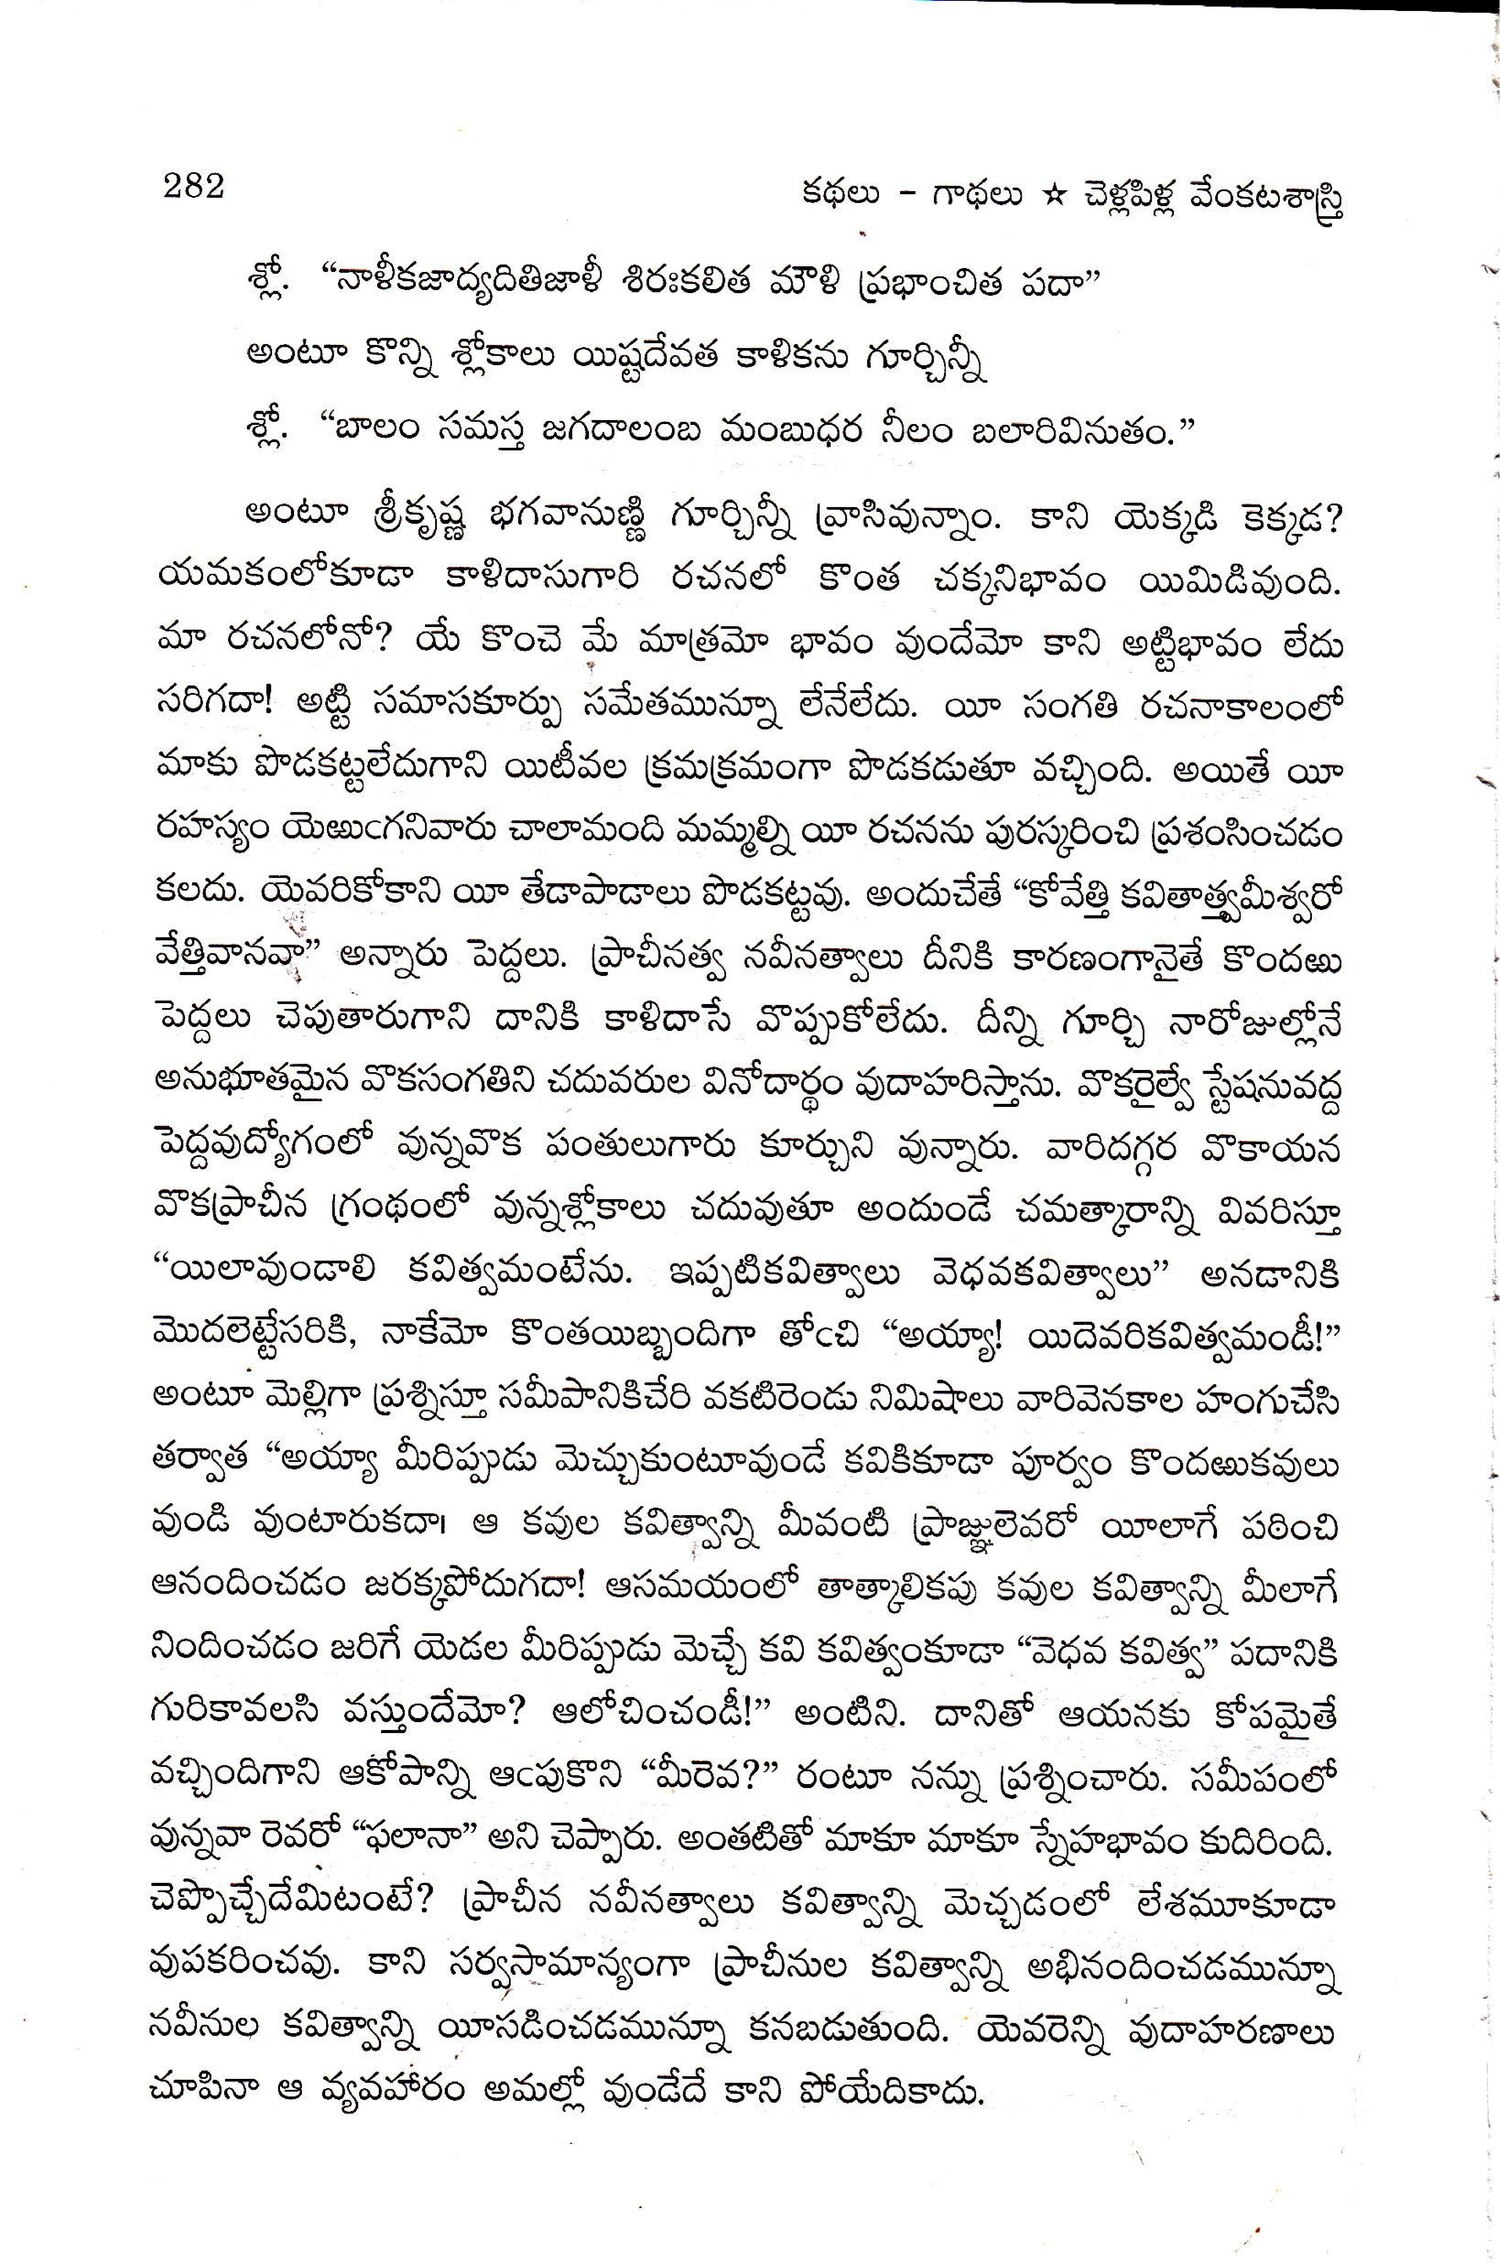శ్లో. "నాళీకజాద్యదితిజాళీ శిరఃకలిత మౌళి ప్రభాంచిత పదా" 
అంటూ కొన్ని శ్లోకాలు యిష్టదేవత కాళికను గూర్చిన్నీ

శ్లో. "బాలం సమస్త జగదాలంబ మంబుధర నీలం బలారివినుతం."
అంటూ శ్రీకృష్ణ భగవానుణ్ణి గూర్చిన్నీ వ్రాసివున్నాం. కాని యెక్కడి కెక్కడ? యమకంలోకూడా కాళిదాసుగారి రచనలో కొంత చక్కనిభావం యిమిడివుంది. మా రచనలోనో? యే కొంచె మే మాత్రమో భావం వందేమో కాని అట్టిభావం లేదు సరిగదా! అట్టి సమాసకూర్పు సమేతమున్నూ లేనేలేదు. యీ సంగతి రచనాకాలంలో మాకు పొడకట్టలేదుగాని యిటీవల క్రమక్రమంగా పొడకడుతూ వచ్చింది. అయితే యీ రహస్యం యెఱుఁగనివారు చాలామంది మమ్మల్ని యీ రచనను పురస్కరించి ప్రశంసించడం కలదు. యెవరికోకాని యీ తేడాపాడాలు పొడకట్టవు. అందుచేతే "కోవేత్తి కవితాత్త్వమీశ్వరో వేత్తివానవా అన్నారు పెద్దలు. ప్రాచీనత్వ నవీనత్వాలు దీనికి కారణంగానైతే కొందఱు పెద్దలు చెపుతారుగాని దానికి కాళిదాసే వొప్పుకోలేదు. దీన్ని గూర్చి నారోజుల్లోనే అనుభూతమైన వొకసంగతిని చదువరుల వినోదార్థం వుదాహరిస్తాను. వొకరైల్వే స్టేషనువద్ద పెద్దవుద్యోగంలో వున్నవొక పంతులుగారు కూర్చుని వున్నారు. వారిదగ్గర వొకాయన వొక ప్రాచీన గ్రంథంలో వున్నశ్లోకాలు చదువుతూ అందుండే చమత్కారాన్ని వివరిస్తూ “యిలావుండాలి కవిత్వమంటేను. ఇప్పటికవిత్వాలు వెధవకవిత్వాలు” అనడానికి మొదలెట్టేసరికి, నాకేమో కొంతయిబ్బందిగా తోఁచి "అయ్యా! యిదెవరికవిత్వమండీ!" అంటూ మెల్లిగా ప్రశ్నిస్తూ సమీపానికిచేరి వకటిరెండు నిమిషాలు వారివెనకాల హంగుచేసి తర్వాత "అయ్యా మీరిప్పుడు మెచ్చుకుంటూవుండే కవికికూడా పూర్వం కొందఱుకవులు వుండి వుంటారుకదా! ఆ కవుల కవిత్వాన్ని మీవంటి ప్రాజ్ఞులెవరో యీలాగే పఠించి ఆనందించడం జరక్కపోదుగదా! ఆసమయంలో తాత్కాలికపు కవుల కవిత్వాన్ని మీలాగే నిందించడం జరిగే యెడల మీరిప్పుడు మెచ్చే కవి కవిత్వంకూడా "వెధవ కవిత్వ" పదానికి గురికావలసి వస్తుందేమో? ఆలోచించండీ!” అంటిని. దానితో ఆయనకు కోపమైతే వచ్చిందిగాని ఆకోపాన్ని ఆఁపుకొని “మీరెవ?” రంటూ నన్ను ప్రశ్నించారు. సమీపంలో వున్నవా రెవరో “ఫలానా" అని చెప్పారు. అంతటితో మాకూ మాకూ స్నేహభావం కుదిరింది. చెప్పొచ్చేదేమిటంటే? ప్రాచీన నవీనత్వాలు కవిత్వాన్ని మెచ్చడంలో లేశమూ కూడా వుపకరించవు. కాని సర్వసామాన్యంగా ప్రాచీనుల కవిత్వాన్ని అభినందించడమున్నూ నవీనుల కవిత్వాన్ని యీసడించడమున్నూ కనబడుతుంది. యెవరెన్ని వుదాహరణాలు చూపినా ఆ వ్యవహారం అమల్లో వుండేదే కాని పోయేదికాదు.